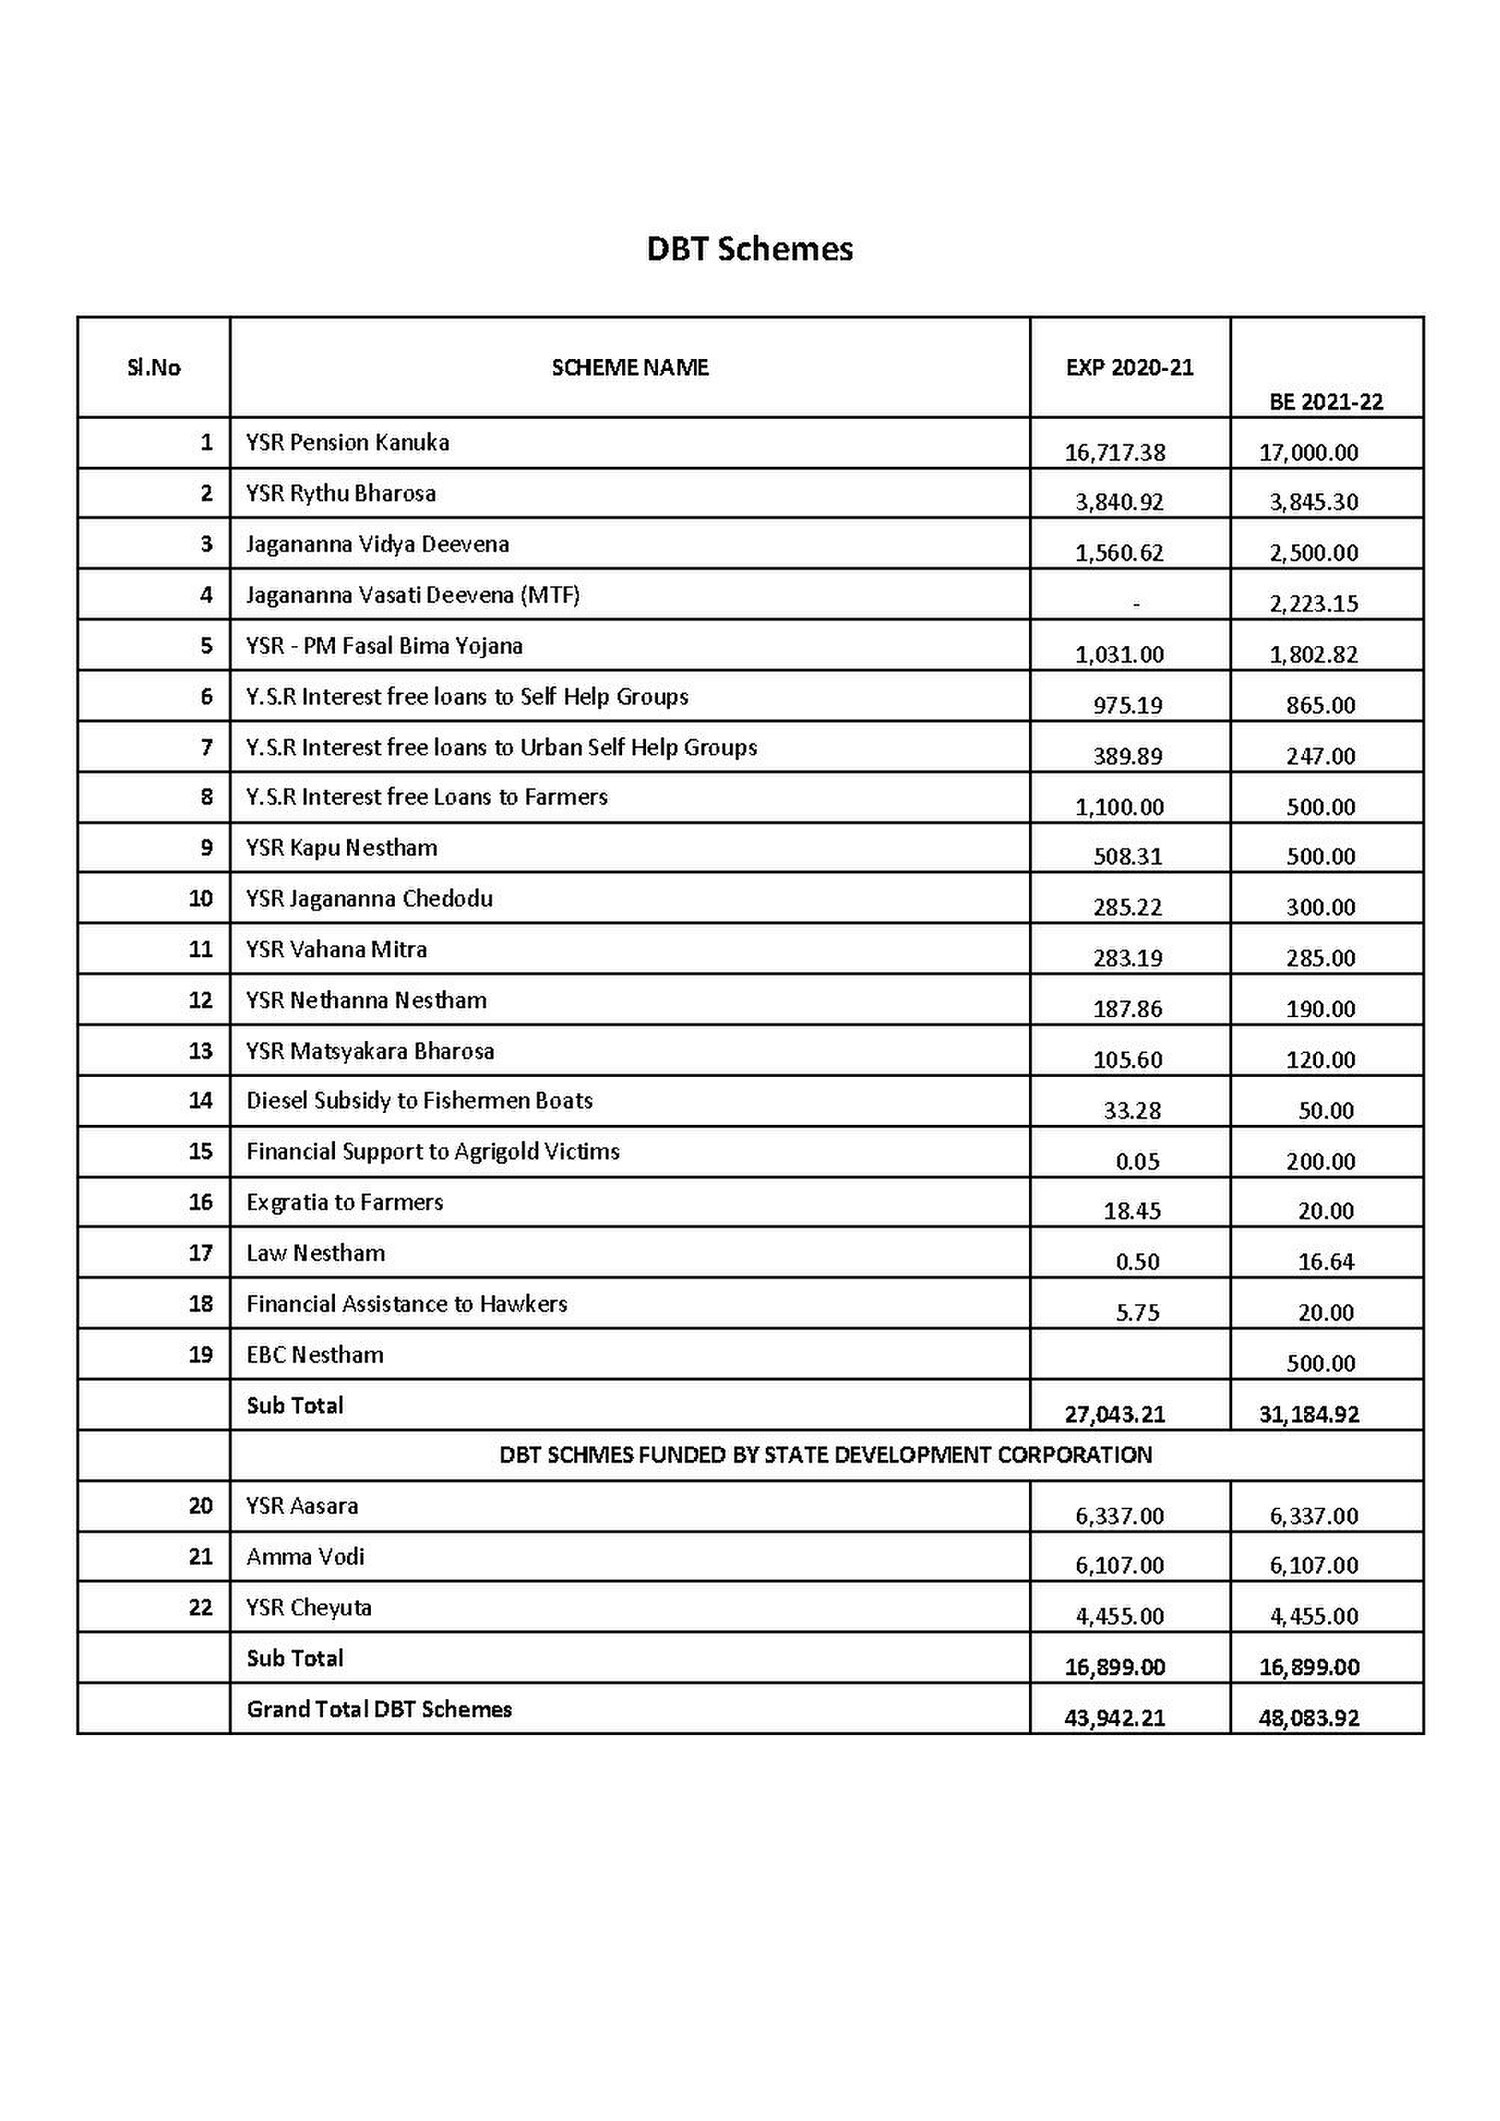Sl.No SCHEME NAME EXP 2020­-21 BE 2021-­22 1 YSR Pension Kanuka 16,717.38 17,000.00 2 YSR Rythu Bharosa 3,840.92 3,845.30 3 Jagananna Vidya Deevena 1,560.62 2,500.00 4 Jagananna Vasati Deevena (MTF) ­ 2,223.15 5 YSR ­ PM Fasal Bima Yojana 1,031.00 1,802.82 6 Y.S.R Interest free loans to Self Help Groups 975.19 865.00 7 Y.S.R Interest free loans to Urban Self Help Groups 389.89 247.00 8 Y.S.R Interest free Loans to Farmers 1,100.00 500.00 9 YSR Kapu Nestham 508.31 500.00 10 YSR Jagananna Chedodu 285.22 300.00 11 YSR Vahana Mitra 283.19 285.00 12 YSR Nethanna Nestham 187.86 190.00 13 YSR Matsyakara Bharosa 105.60 120.00 14 Diesel Subsidy to Fishermen Boats 33.28 50.00 15 Financial Support to Agrigold Victims 0.05 200.00 16 Exgratia to Farmers 18.45 20.00 17 Law Nestham 0.50 16.64 18 Financial Assistance to Hawkers 5.75 20.00 19 EBC Nestham 500.00 Sub Total 27,043.21 31,184.92 DBT SCHMES FUNDED BY STATE DEVELOPMENT CORPORATION 20 YSR Aasara 6,337.00 6,337.00 21 Amma Vodi 6,107.00 6,107.00 22 YSR Cheyuta 4,455.00 4,455.00 Sub Total 16,899.00 16,899.00 Grand Total DBT Schemes 43,942.21 48,083.92